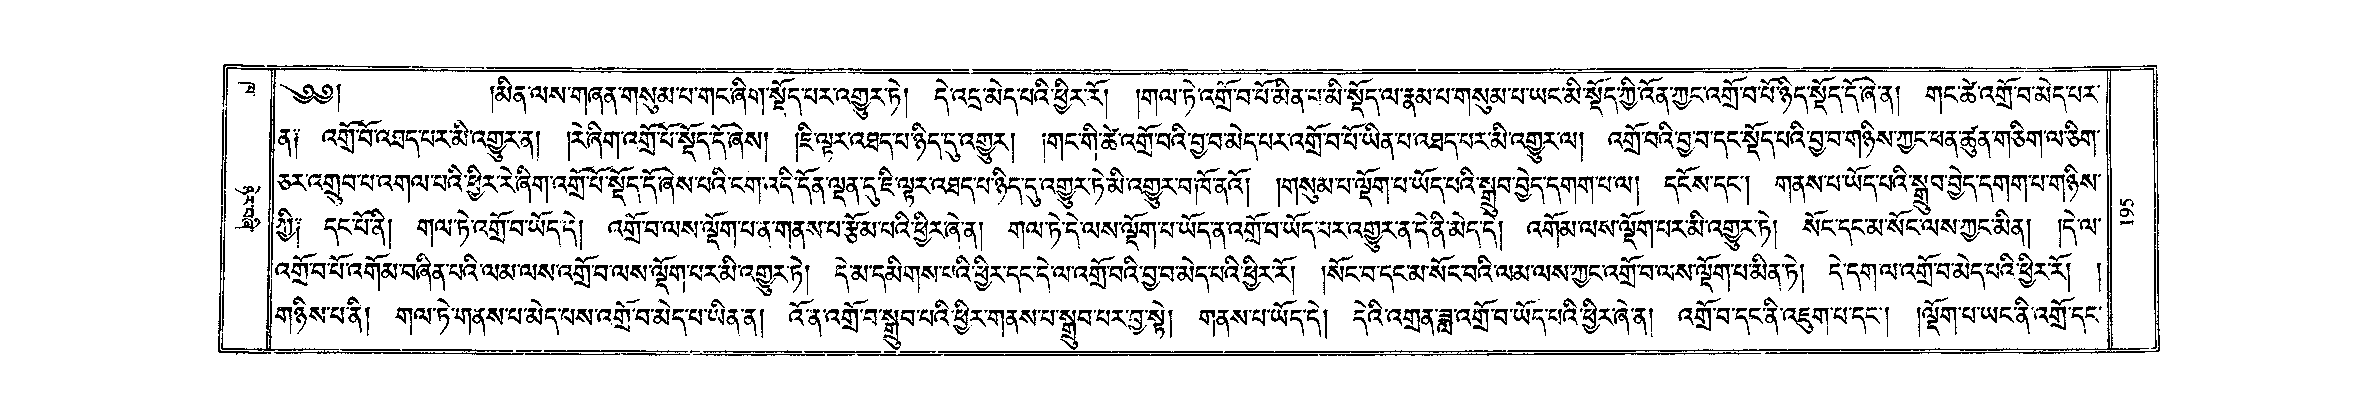༄༅། །མིན་ལས་གཞན་གསུམ་པ་གང་ཞིག་སྡོད་པར་འགྱུར་ཏེ། དེ་འདྲ་མེད་པའི་ཕྱིར་རོ། །གལ་ཏེ་འགྲོ་བ་པོ་མིན་པ་མི་སྡོད་ལ་རྣམ་པ་གསུམ་པ་ཡང་མི་སྡོད་ཀྱི་འོན་ཀྱང་འགྲོ་བ་པོ་ཉིད་སྡོད་དོ་ཞེ་ན། གང་ཚེ་འགྲོ་བ་མེད་པར་
ན༑ འགྲོ་བོ་འཐད་པར་མི་འགྱུར་ན། །རེ་ཞིག་འགྲོ་པོ་སྡོད་དོ་ཞེས། །ཇི་ལྟར་འཐད་པ་ཉིད་དུ་འགྱུར། །གང་གི་ཚེ་འགྲོ་བའི་བྱ་བ་མེད་པར་འགྲོ་བ་པོ་ཡིན་པ་འཐད་པར་མི་འགྱུར་ལ། འགྲོ་བའི་བྱ་བ་དང་སྡོད་པའི་བྱ་བ་གཉིས་ཀྱང་ཕན་ཚུན་གཅིག་ལ་ཅིག་
ཅར་འགྲུབ་པ་འགལ་པའི་ཕྱིར་རེ་ཞིག་འགྲོ་པོ་སྡོད་དོ་ཞེས་པའི་ངག་འདི་དོན་ལྡན་དུ་ཇི་ལྟར་འཐད་པ་ཉིད་དུ་འགྱུར་ཏེ་མི་འགྱུར་བ་ཁོ་ནའོ། །གསུམ་པ་ལྡོག་པ་ཡོད་པའི་སྒྲུབ་བྱེད་དགག་པ་ལ། དངོས་དང་། གནས་པ་ཡོད་པའི་སྒྲུབ་བྱེད་དགག་པ་གཉིས་
ཀྱི༑ དང་པོ་ནི། གལ་ཏེ་འགྲོ་བ་ཡོད་དེ། འགྲོ་བ་ལས་ལྡོག་པ་ན་གནས་པ་རྩོམ་པའི་ཕྱིར་ཞེ་ན། གལ་ཏེ་དེ་ལས་ལྡོག་པ་ཡོད་ན་འགྲོ་བ་ཡོད་པར་འགྱུར་ན་དེ་ནི་མེད་དེ། འགོམ་ལས་ལྡོག་པར་མི་འགྱུར་ཏེ། སོང་དང་མ་སོང་ལས་ཀྱང་མིན། །དེ་ལ་
འགྲོ་བ་པོ་འགོམ་བཞིན་པའི་ལམ་ལས་འགྲོ་བ་ལས་ལྡོག་པར་མི་འགྱུར་ཏེ། དེ་མ་དམིགས་པའི་ཕྱིར་དང་དེ་ལ་འགྲོ་བའི་བྱ་བ་མེད་པའི་ཕྱིར་རོ། །སོང་བ་དང་མ་སོང་བའི་ལམ་ལས་ཀྱང་འགྲོ་བ་ལས་ལྡོག་པ་མིན་ཏེ། དེ་དག་ལ་འགྲོ་བ་མེད་པའི་ཕྱིར་རོ། །
གཉིས་པ་ནི། གལ་ཏེ་གནས་པ་མེད་པས་འགྲོ་བ་མེད་པ་ཡིན་ན། འོ་ན་འགྲོ་བ་སྒྲུབ་པའི་ཕྱིར་གནས་པ་སྒྲུབ་པར་བྱ་སྟེ། གནས་པ་ཡོད་དེ། དེའི་འགྲན་ཟླ་འགྲོ་བ་ཡོད་པའི་ཕྱིར་ཞེ་ན། འགྲོ་བ་དང་ནི་འཇུག་པ་དང་། །ལྡོག་པ་ཡང་ནི་འགྲོ་དང་